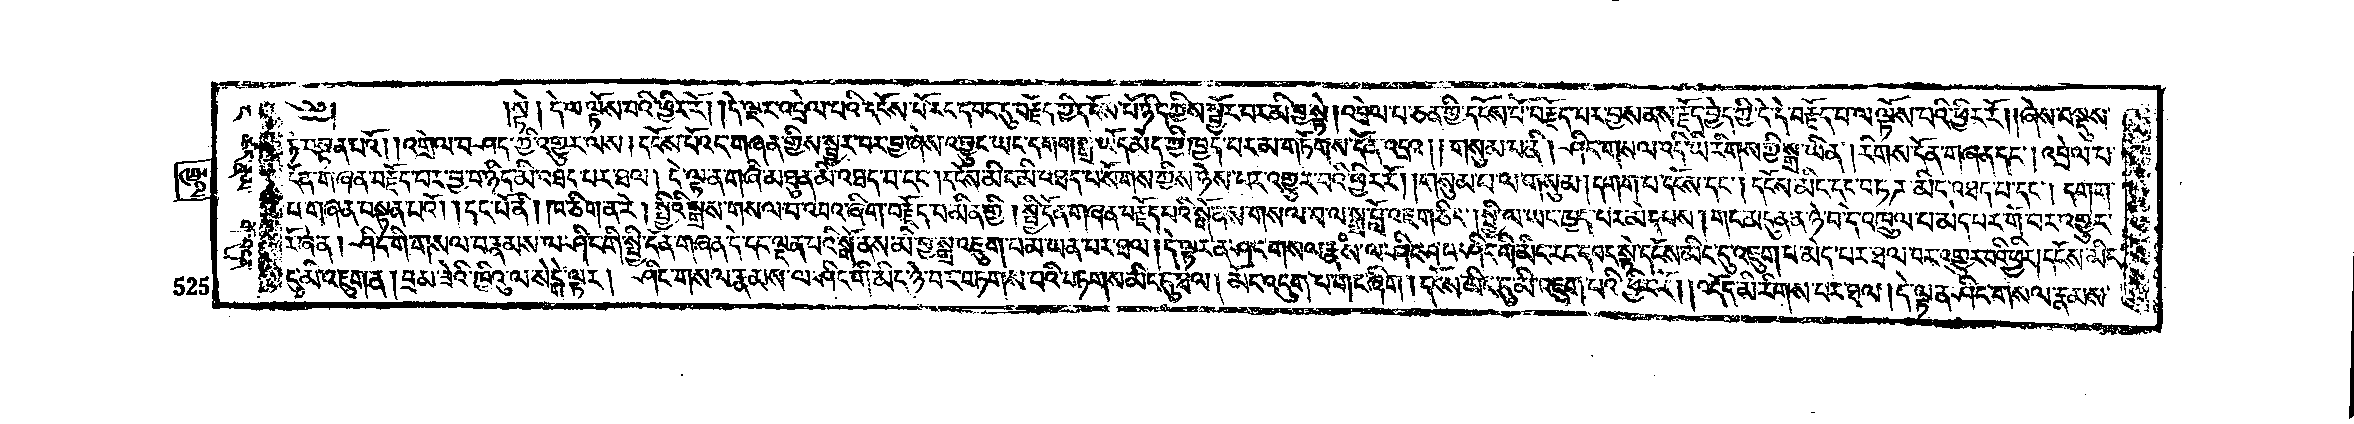༄༅། །སྟེ། དེ་ལ་ལྟོས་པའི་ཕྱིར་རོ། །དེ་ལྟར་འབྲེལ་བའི་དངོས་པོ་རང་དབང་དུ་བརྗོད་ཀྱི་དངོས་པོ་ཉིད་ཀྱིས་སྦྱོར་བར་མི་བྱ་སྟེ། འབྲེལ་པ་ཅན་གྱི་དངོས་པོ་བརྗོད་པར་བྱས་ནས་རྗོད་བྱེད་ཀྱི་དེ་དེ་བརྗོད་པ་ལ་ལྟོས་པའི་ཕྱིར་རོ། །ཞེས་བསྡུས་
ཏེ་བསྟན་པའོ། །འགྲེལ་བཤད་ཀྱི་འགྱུར་ལས། དངོས་པོའང་གཞན་གྱིས་སྦྱར་བར་བྱ་ཞེས་འབྱུང་ཡང་དགག་སྒྲ་ཡོད་མེད་ཀྱི་ཁྱད་པར་མ་གཏོགས་དོན་འདྲའོ། གསུམ་པ་ནི། ཤིང་གསལ་འདི་ཡི་རིགས་ཀྱི་སྒྲ་ཡིན། རིགས་དོན་གཞན་དང་། འབྲེལ་བ་
དོན་གཞན་བརྗོད་པར་བྱ་བ་ཉིད་མི་འཐད་པར་ཐལ། དེ་ལྟ་ན་གཞི་མཐུན་མི་འཐད་པ་དང་། དངོས་མིང་མི་འཐད་པ་སོགས་ཀྱིས་ཉེས་པར་འགྱུར་བའི་ཕྱིར་རོ། །གསུམ་པ་ལ་གསུམ། དགག་པ་དངོས་དང་། དངོས་མིང་དང་བཏགས་མིང་འཐད་པ་དང་། དགག་
པ་གཞན་བསྟན་པའོ། །དང་པོ་ནི། ཁ་ཅིག་ན་རེ། སྤྱིའི་སྒྲས་གསལ་པ་འབའ་ཞིག་བརྗོད་པ་མིན་གྱི། སྤྱི་དོན་གཞན་བརྗོད་པའི་སྒོ་ནས་གསལ་བ་ལ་སྒྲ་བློ་འཇག་ཅིང་། སྤྱི་ལ་ཡང་ཁྱད་པར་མེད་པས། གང་མདུན་ན་ཉེ་བ་དེ་འཁྲུལ་པ་མེད་པར་གོ་བར་འགྱུར་
རོ་ཞེ་ན། ཤིང་གི་གསལ་བ་རྣམས་ལ་ཤིང་གི་སྤྱི་དོན་གཞན་དེ་དང་ལྡན་པའི་སྒོ་ནས་མི་བྱ་སྒྲ་འཇུག་པ་མ་ཡིན་པར་ཐལ། །དེ་ལྟར་ན་ཤིང?་གསལ་རྣམས་ལ་ཤིང་ཤ་པ་ཤིང་གི་མིང་རང་དབང་སྟེ་དངོས་མིང་དུ་འཇུག་པ་མེད་པར་ཐལ་བར་འགྱུར་བའི་ཕྱིར། དངོས་མིང་
དུ་མིང་འཇུག་ན། བྲམ་ཟེའི་ཁྱིའུ་ལ་སེངགེ་ལྟར། ཤིང་གསལ་རྣམས་ལ་ཤིང་གི་མིང་ཉེ་བར་བཏགས་པའི་བཏགས་མིང་དུ་ཐལ། མོང་འདུག་པ་གང་ཞིག །དངོས་མིང་དུ་མི་འཇུག་པའི་ཕྱིར་རོ། །འདོད་མི་རིགས་པར་ཐལ། དེ་ལྟ་ན་ཤིང་གསལ་རྣམས་